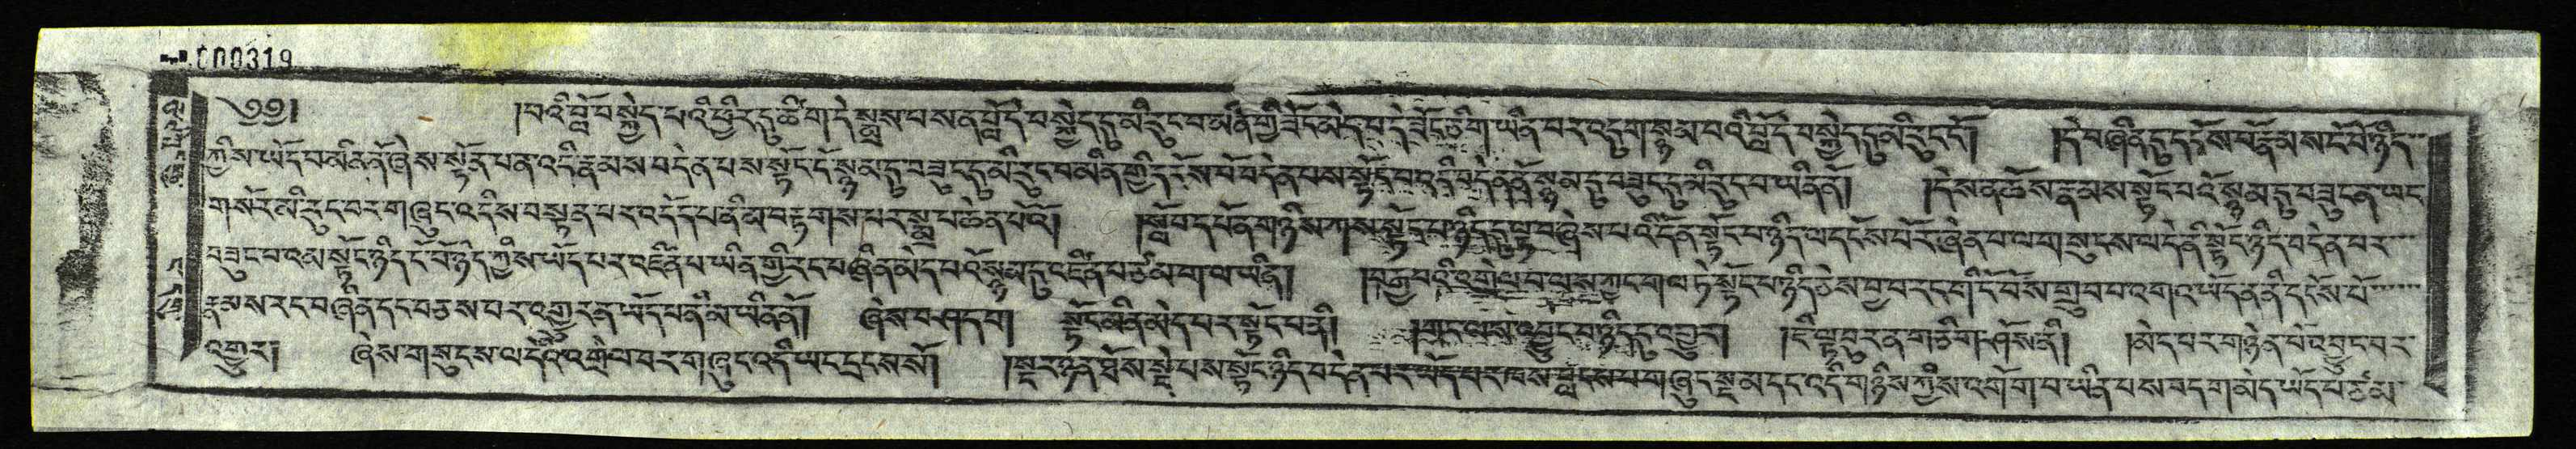༄༅། །བའི་བློ་བསྐྱེད་པའི་ཕྱིར་དུ་ཚིག་དེ་སྨྲས་པས་ན་བློ་དེ་བསྐྱེད་དུ་མི་རུང་བ་མིན་གྱི་ཟོད་མེད་པ་དེ་ཟོད་ཅིག་ཡིན་བར་འདུག་སྙམ་པའི་བློ་དེ་བསྐྱེད་དུ་མི་རུང་ངོ། །དེ་བཞིན་དུ་དངོས་པོ་རྣམས་ངོ་བོ་ཉིད་
ཀྱིས་ཡོད་པ་མིན་ནོ་ཞེས་སྟོན་པ་ན་འདི་རྣམས་བདེན་པས་སྟོང་ངོ་སྙམ་དུ་བཟུང་དུ་མི་རུང་བ་མིན་གྱི་དངོས་པོ་བདེན་པས་སྟོང་པ་འདི་བདེན་ནོ་སྙམ་དུ་བཟུང་དུ་མི་རུང་བ་ཡིན་ནོ། །དེས་ན་ཆོས་རྣམས་སྟོང་པའོ་སྙམ་དུ་བཟུང་ན་ཡང་
གསོར་མི་རུང་བར་གཞུང་འདིས་བསྟན་པར་འདོད་པ་ནི་མ་བརྟགས་པར་སྨྲ་པ་ཆེན་པོའོ། །སློབ་དཔོན་གཉིས་ཀས་སྟོང་པ་ཉིད་དུ་ལྟ་བ་ཞེས་པའི་དོན་སྟོང་པ་ཉིད་ལ་དངོས་པོར་ཞེན་པ་ལ་གསུངས་ལ་དེ་ནི་སྟོང་ཉིད་བདེན་བར་
བཟུང་པ་འམ་སྟོང་ཉིད་ངོ་བོ་ཉིད་ཀྱིས་ཡོད་པར་འཛིན་པ་ཡིན་གྱི་རང་བཞིན་མེད་པའོ་སྙམ་དུ་འཛིན་པ་ཙམ་ག་ལ་ཡིན། །བརྒྱ་བའི་འགྲེལ་བ་ལས་ཀྱང་གལ་ཏེ་སྟོང་པ་ཉིད་ཅེས་བྱ་བ་རང་གི་ངོ་བོས་གྲུབ་པ་འགའ་ཡོད་ན་ནི་དངོས་པོ་
རྣམས་རང་བཞིན་དང་བཅས་པར་འགྱུར་ན་ཡོད་པ་ནི་མ་ཡིན་ནོ། ཞེས་བཤད་པ། སྟོང་མིན་མེད་པར་སྟོང་པ་ནི། །གང་ལས་འབྱུང་བ་ཉིད་དུ་འགྱུར། །ཇི་ལྟ་བུར་ན་གཅིག་ཤོས་ནི། །མེད་པར་གཉེན་པོ་འབྱུང་བར་
འགྱུར༑ ཞེས་གསུངས་ལ་དེའི་འགྲེལ་བར་གཞུང་འདི་ཡང་དྲངས་སོ། །སྔར་ཉན་ཐོས་སྡེ་པས་སྟོང་ཉིད་བདེན་པར་ཡོད་པར་ཁས་བླངས་པ་གཞུང་སྔ་མ་དང་འདི་གཉིས་ཀྱིས་འགོག་པ་ཡིན་པས་བདག་མེད་ཡོད་པ་ཙམ་